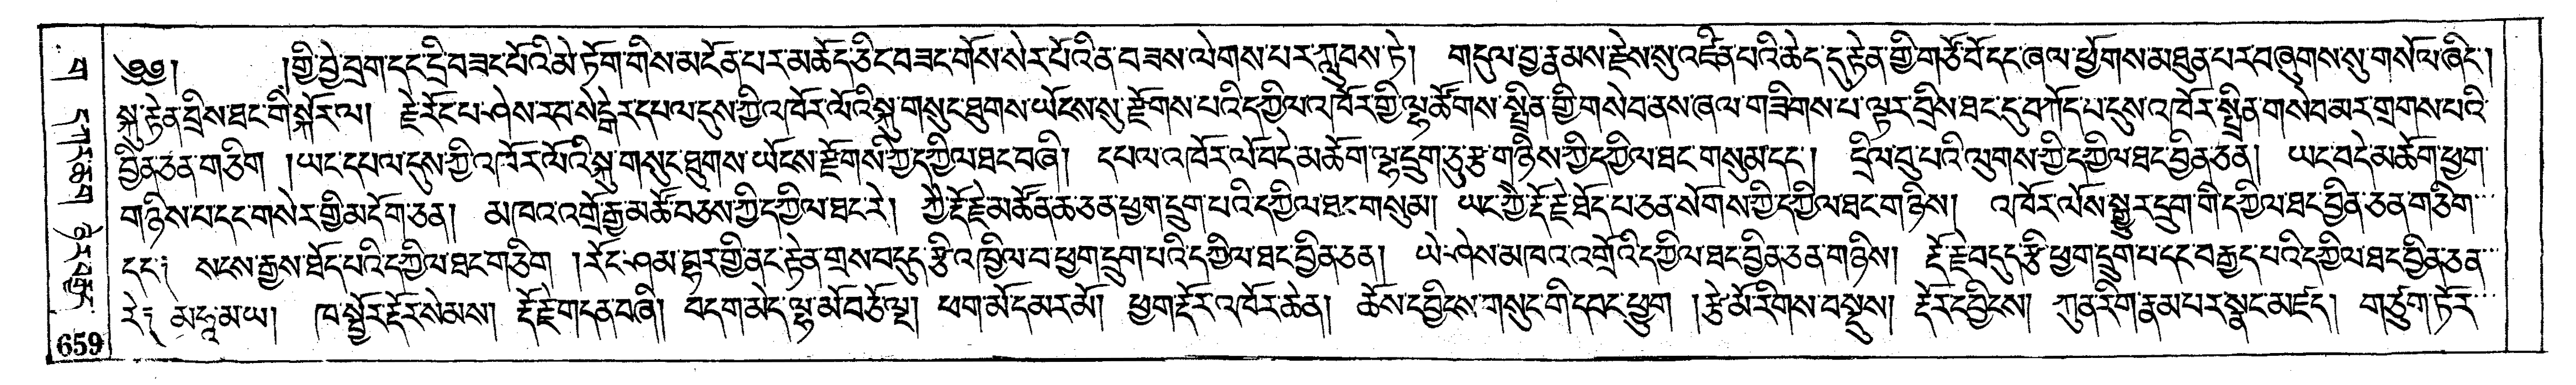༄༅། །གྱི་བྱེ་བྲག་དང་དྲི་བཟང་པོའི་མེ་ཏོག་གིས་མངོན་པར་མཆོད་ཅིང་བཟང་གོས་སེར་པོའི་ན་བཟས་ལེགས་པར་ཀླུབས་ཏེ། གདུལ་བྱ་རྣམས་རྗེས་སུ་འཛིན་པའི་ཆེད་དུ་རྟེན་གྱི་གཙོ་བོ་དང་ཞལ་ཕྱོགས་མཐུན་བར་བཞུགས་སུ་གསོལ་ཞིང་།
སྐུ་རྟེན་བྲིས་ཐང་གི་སྐོར་ལ། རྗེ་རོང་པ་ཤེས་རབ་སེངྒེར་དཔལ་དུས་ཀྱི་འཁོར་ལོའི་སྐུ་གསུང་ཐུགས་ཡོངས་སུ་རྫོགས་པའི་དཀྱིལ་འཁོར་གྱི་ལྷ་ཚོགས་སྤྲིན་གྱི་གསེབ་ནས་ཞལ་གཟིགས་པ་ལྟར་བྲིས་ཐང་དུ་བཀོད་པ་དུས་འཁོར་སྤྲིན་གསེབ་མར་གྲགས་པའི་
བྱིན་ཅན་གཅིག །ཡང་དཔལ་དུས་ཀྱི་འཁོར་ལོའི་སྐུ་གསུང་ཐུགས་ཡོངས་རྫོགས་ཀྱི་དཀྱིལ་ཐང་བཞི། དཔལ་འཁོར་ལོ་བདེ་མཆོག་ལྷ་དྲུག་ཅུ་རྩ་གཉིས་ཀྱི་དཀྱིལ་ཐང་གསུམ་དང་། དྲིལ་བུ་པའི་ལུགས་ཀྱི་དཀྱིལ་ཐང་བྱིན་ཅན། ཡང་བདེ་མཆོག་ཕྱག་
གཉིས་པ་དང་གསེར་གྱི་མདོག་ཅན། མཁའ་འགྲོ་རྒྱ་མཚོ་བཅས་ཀྱི་དཀྱིལ་ཐང་རེ། ཀྱཻ་རྡོ་རྗེ་མཚོན་ཆ་ཅན་ཕྱག་དྲུག་པའི་དཀྱིལ་ཐང་གསུམ། ཡང་ཀྱཻ་རྡོ་རྗེ་ཐོད་པ་ཅན་སོགས་ཀྱི་དཀྱིལ་ཐང་གཉིས། འཁོར་ལོས་སྒྱུར་དྲུག་གི་དཀྱིལ་ཐང་བྱིན་ཅན་གཅིག་
དང༑ སངས་རྒྱས་ཐོད་པའི་དཀྱིལ་ཐང་གཅིག །རོང་ཤམ་བྷར་གྱི་ནང་རྟེན་གྲས་བདུད་རྩི་འཁྱིལ་པ་ཕྱག་དྲུག་པའི་དཀྱིལ་ཐང་བྱིན་ཅན། ཡེ་ཤེས་མཁའ་འགྲོའི་དཀྱིལ་ཐང་བྱིན་ཅན་གཉིས། རྡོ་རྗེ་བདུད་རྩི་ཕྱག་དྲུག་པ་དང་བརྒྱད་པའི་དཀྱིལ་ཐང་བྱིན་ཅན་
རེ༑ མ་ཧཱ་མ་ཡ། ཁ་སྦྱོར་རྡོར་སེམས། རྡོ་རྗེ་གདན་བཞི། བདག་མེད་ལྷ་མོ་བཅོ་ལྔ། ཕག་མོ་དམར་མོ། ཕྱག་རྡོར་འཁོར་ཆེན། ཆོས་དབྱིངས་གསུང་གི་དབང་ཕྱུག །རྩེ་མོ་རིགས་བསྡུས། རྡོར་དབྱིངས། ཀུན་རིག་རྣམ་པར་སྣང་མཛད། གཙུག་ཏོར་